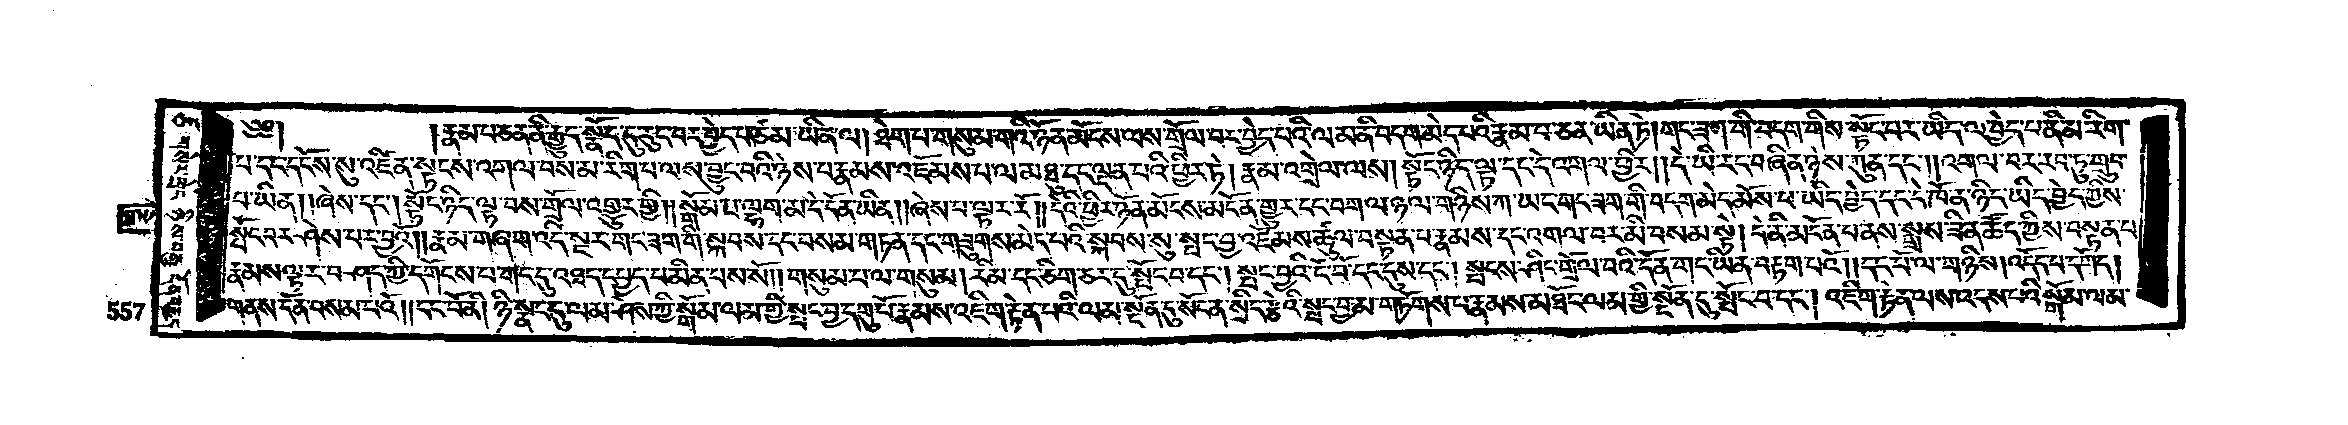༄༅། །རྣམ་པ་ཅན་ནི་རྒྱུད་སྣོད་དུ་རུང་བར་བྱེད་པ་ཙམ་ཡིན་ལ། ཐེག་པ་གསུམ་གའི་ཉོན་མོངས་ལས་གྲོལ་བར་བྱེད་པའི་ལམ་ནི་བདག་མེད་པའི་རྣམ་པ་ཅན་ཡིན་ཏེ། གང་ཟག་གི་བདག་གིས་སྟོང་པར་ཡིད་ལ་བྱེད་པ་ནི་མ་རིག་
པ་དང་དངོས་སུ་འཛིན་སྟངས་འགལ་བས་མ་རིག་པ་ལས་བྱུང་བའི་ཉེས་པ་རྣམས་འཇོམས་པ་ལ་མཐུ་དང་ལྡན་པའི་ཕྱིར་ཏེ། རྣམ་འགྲེལ་ལས། སྟོང་ཉིད་ལྟ་དང་དེ་འགལ་ཕྱིར། །དེ་ཡི་རང་བཞིན་ཉེས་ཀུན་དང་། །འགལ་བར་རབ་ཏུ་གྲུབ་
པ་ཡིན། །ཞེས་དང་། སྟོང་ཉིད་ལྟ་བས་གྲོལ་འགྱུར་གྱི། །སྒོམ་པ་ལྷག་མ་དེ་དོན་ཡིན། །ཞེས་པ་ལྟར་རོ། །དེའི་ཕྱིར་ཉོན་མོངས་མངོན་གྱུར་དང་བག་ལ་ཉལ་གཉིས་ཀ་ཡང་གང་ཟག་གི་བདག་མེད་མོས་པ་ཡིད་བྱེད་དང་དེ་ཁོ་ན་ཉིད་ཡིད་བྱེད་ཀྱིས་
སྲོང་བར་ཤེས་པར་བྱའོ། །རྣམ་གཞག་འདི་སྔར་གང་ཟག་གི་སྐབས་དང་བསམ་གཏན་དང་གཟུགས་མེད་པའི་སྐབས་སུ་སྤང་བྱ་འཇོམས་ཚུལ་བསྟན་པ་རྣམས་དང་འགལ་བར་མི་བསམ་སྟེ། དེ་ནི་མངོན་པ་ནས་སྒྲས་ཟིན་ཚོད་ཀྱིས་བསྟན་པ་པ་
རྣམས་ལྟར་བཤད་ཀྱི་དགོངས་པ་གང་དུ་འཐད་དཔྱད་པ་མིན་པས་སོ། །གསུམ་པ་ལ་གསུམ། རིམ་དང་ཅིག་ཅར་དུ་སྤོང་བ་དང་། སྤང་བྱའི་ངོ་བོ་དང་དུས་དང་། སྤངས་ཤིང་གྲོལ་བའི་དོན་གང་ཡིན་བརྟག་པའོ། །དང་པོ་ལ་གཉིས། འདོད་པ་དགོད།
གནས་དོན་བསམ་པའོ། །དང་པོ་ནི། ཉི་སྣང་དུ་ལམ་ཤེས་ཀྱི་སྒོམ་ལམ་གྱི་སྤང་བྱ་དགུ་པོ་རྣམས་འཇིག་རྟེན་པའི་ལམ་སྔོན་དུ་སོང་ན་སྲིད་རྩེའི་སྤང་བྱ་མ་གཏོགས་པ་རྣམས་མཐོང་ལམ་གྱི་སྔོན་དུ་སྤོང་བ་དང་། འཇིག་རྟེན་ལས་འདས་པའི་སྒོམ་ལམ་